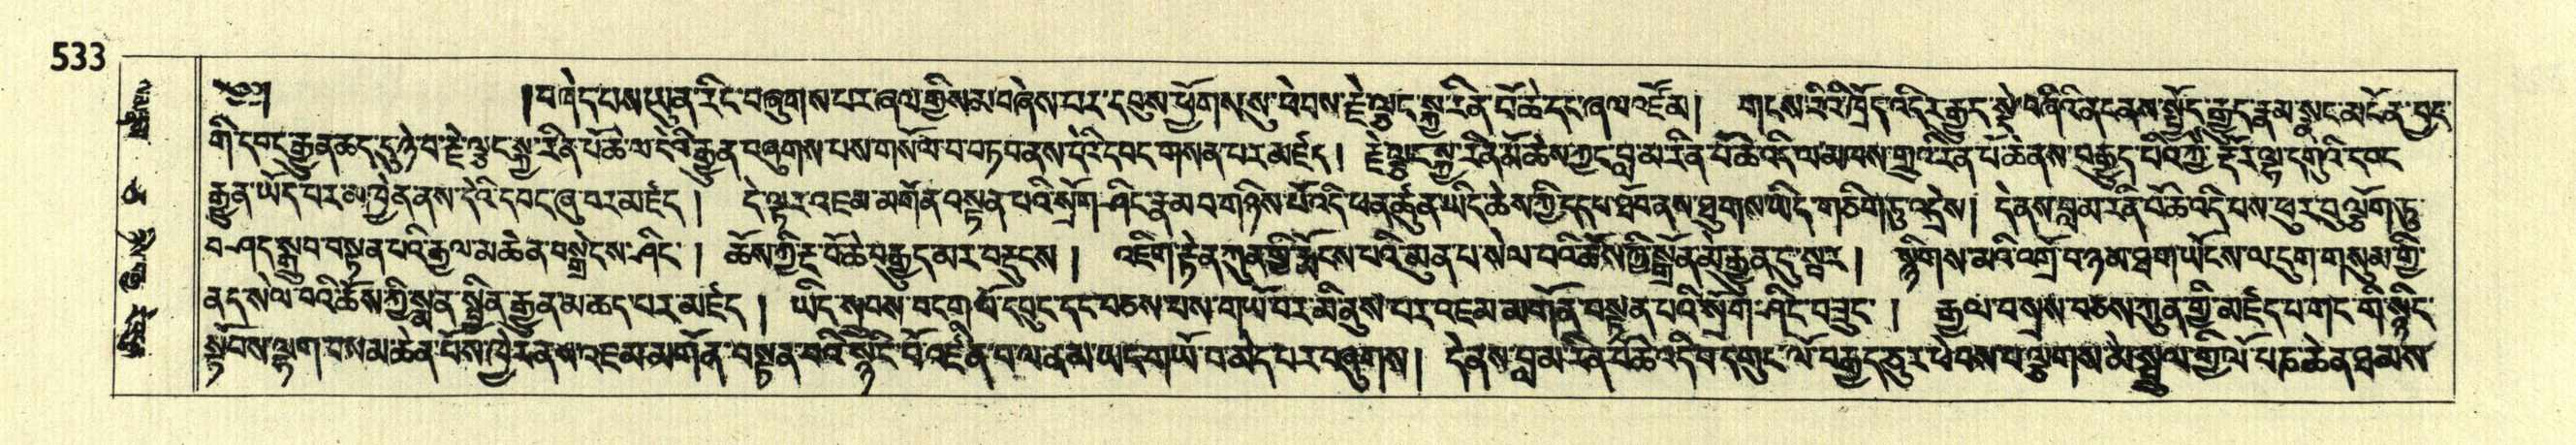༄༅། །བཞེད་པས་ཡུན་རིང་བཞུགས་པར་ཞལ་གྱིས་མ་བཞེས་པར་དབུས་ཕྱོགས་སུ་ཕེབས་རྗེ་ལྕང་སྐྱ་རིན་པོ་ཆེ་དང་ཞལ་འཛོམ། གངས་རིའི་ཁྲོད་འདིར་རྒྱུད་སྡེ་བཞིའི་ནང་ནས་སྤྱོད་རྒྱུད་རྣམ་སྣང་མངོན་བྱང་
གི་དབང་རྒྱུན་ཆད་དུ་ཉེ་བ་རྗེ་ལྕང་སྐྱ་རིན་པོ་ཆེ་ལ་དེའི་རྒྱུན་བཞུགས་པས་གསོལ་བ་བཏབ་ནས་དེའི་དབང་གསན་པར་མཛད། རྗེ་ལྕང་སྐྱ་རིན་མོ་ཆེས་ཀྱང་བླ་མ་རིན་པོ་ཆེ་འདི་ལ་མཁས་གྲུབ་རིན་པོ་ཆེ་ནས་བརྒྱུད་པའི་ཀྱཻ་རྡོར་ལྷ་དགུའི་དབང་
རྒྱུན་ཡོད་པར་མཁྱེན་ནས་དེའི་དབང་ཞུ་བར་མཛད། དེ་ལྟར་འཇམ་མགོན་བསྟན་པའི་སྲོག་ཤིང་རྣམ་པ་གཉིས་པོ་འདི་ཕན་ཚུན་ཡིད་ཆེས་ཀྱི་དད་པ་ཐོབ་ནས་ཐུགས་ཡིད་གཅིག་ཏུ་འདྲེས། དེ་ནས་བླ་མ་རིན་པོ་ཆེ་འདི་བས་ཕུར་བུ་ལྕོག་ཏུ་
བཤད་སྒྲུབ་བསྟན་པའི་རྒྱལ་མཆེན་བསྒྲེངས་ཤིང་། ཆོས་ཀྱི་རྔ་བོ་ཆེ་བརྒྱུད་མར་བརྡུངས། འཇིག་རྟེན་ཀུན་གྱི་རྨོངས་པའི་མུན་པ་སེལ་བའི་ཆོས་ཀྱི་སྒྲོན་མེ་རྒྱུན་དུ་སྦར། སྙིགས་མའི་འགྲོ་བ་ཉམ་ཐག་ཡོངས་ལ་དུག་གསུམ་གྱི་
ནད་སེལ་བའི་ཆོས་ཀྱི་སྨན་སྦྱིན་རྒྱུན་མ་ཆད་པར་མཛད། ཡིད་སྲུབས་བདག་པོ་དཔུང་དང་བཅས་པས་གཡོ་བར་མི་ནུས་པར་འཇམ་མགོན་བསྟན་པའི་སྲོག་ཤིང་བཟུང་། རྒྱལ་བ་སྲས་བཅས་ཀུན་གྱི་མཛད་པ་གང་གི་སྙིང་
སྟོབས་ལྷག་བསམ་ཆེན་པོས་ཁྱེར་ནས་འཇམ་མགོན་བསྟན་བའི་སྙིང་བོ་འཛིན་པ་ལ་ནམ་ཡང་གཡོ་བ་མེད་པར་བཞུགས། དེ་ནས་བླ་མ་རིན་པོ་ཆེ་འདི་བ་དགུང་ལོ་བརྒྱད་ཅུར་ཕེབས་པ་ལྕགས་མེ་སྤྲུལ་གྱི་ལོ་པཎ་ཆེན་ཐམས་